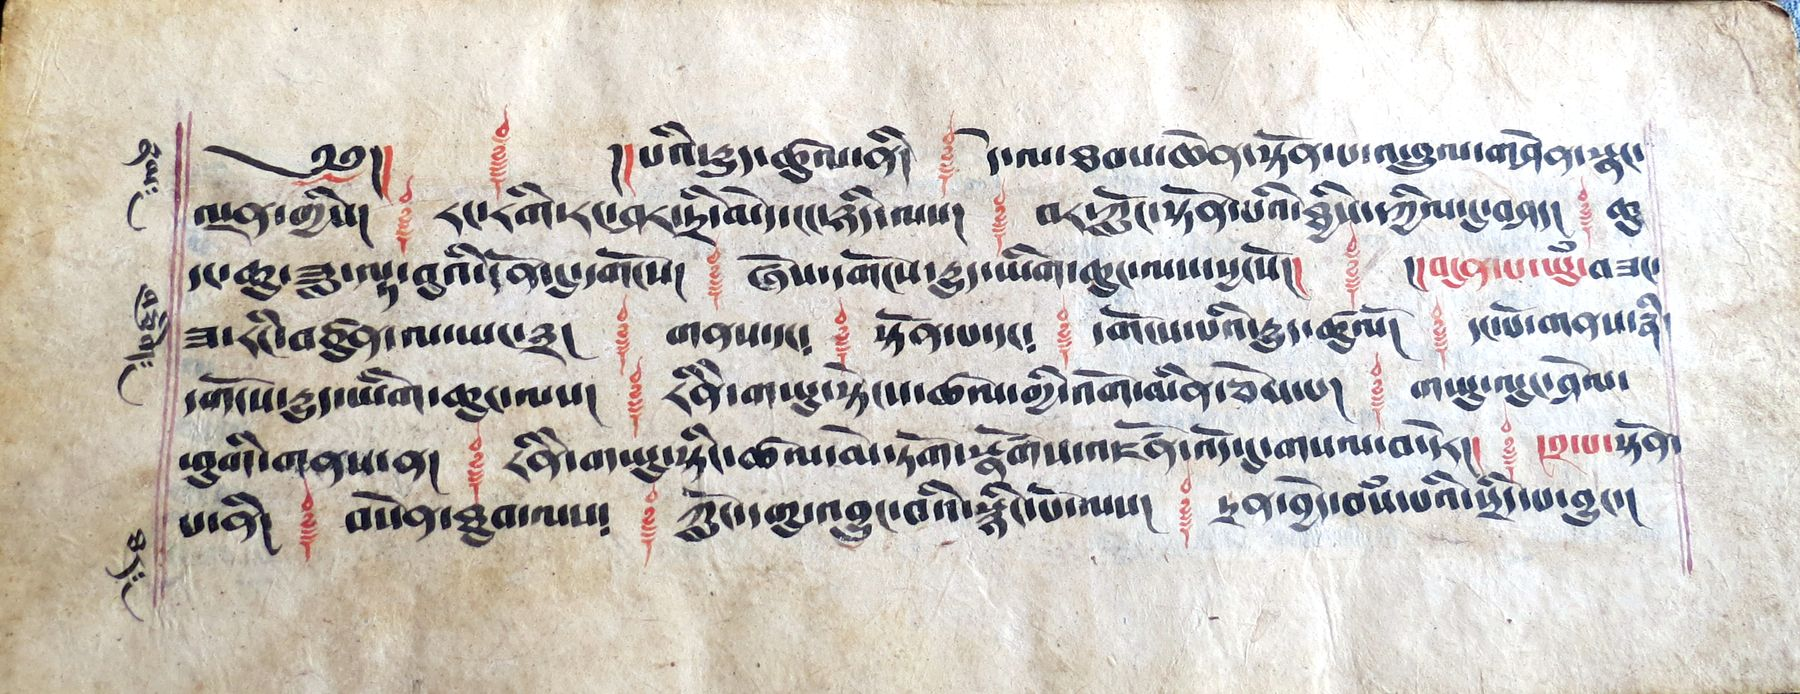།།པའི་རྡུད་ཚུལ་ནི། དེ་ལ་ཐབས་ཆེན་སྟོན་པ་འཕྲུལ་གཤེན་སྣང་
ལྡན་གྱིས། རང་རིག་རང་ཤར་སྒྲིབ་མེད་ངང་ཉིད་ལས། བར་ཀློང་སྟོན་པའི་ཐུགས་ཀྱི་དཀྱིལ་དུ་བཤད། ཆུ་
དང་ཆུ་ཟླ་ལྟ་བུའི་དོན་དུ་དགོངས། ཞེས་དགོངས་རྒྱུད་ཡིག་ཆུང་ལས་གསུངས་སོ། ། བདུན་པ་ཡུམ་བཟང་
བཟའ་རིང་བཙུན་ལ་ཡང་གསུམ། གནས་དང་། སྟོན་པ་དང་། དགོངས་པའི་བརྒྱུད་ཚུལ་ལོ། དང་པོ་གནས་ནི།
དགོངས་རྒྱུད་ཡིག་ཆུང་ལས། རིན་ཆེན་གཡུ་སྟེང་ཚལ་གྱི་འོག་མིན་ན། ཞེས་པས། གཡུ་ལུང་ཤེལ་
ཕུག་གི་གནས་ནི། རིན་ཆེན་གཡུ་སྟེང་ཚལ། མེ་ཏོག་སྣ་ཚོགས་འཇའ་ཚོན་འོད་དུ་གསལ་བ་དེར། གཉིས་པ་སྟོན་
པ་ནི། བསེན་ཐུབ་ལས། ཀློང་དགུ་འབྱུང་བའི་སྙིང་པོ་ལས། དྲན་བྱེད་བསམ་པའི་སྲིད་པ་བྱུང་།